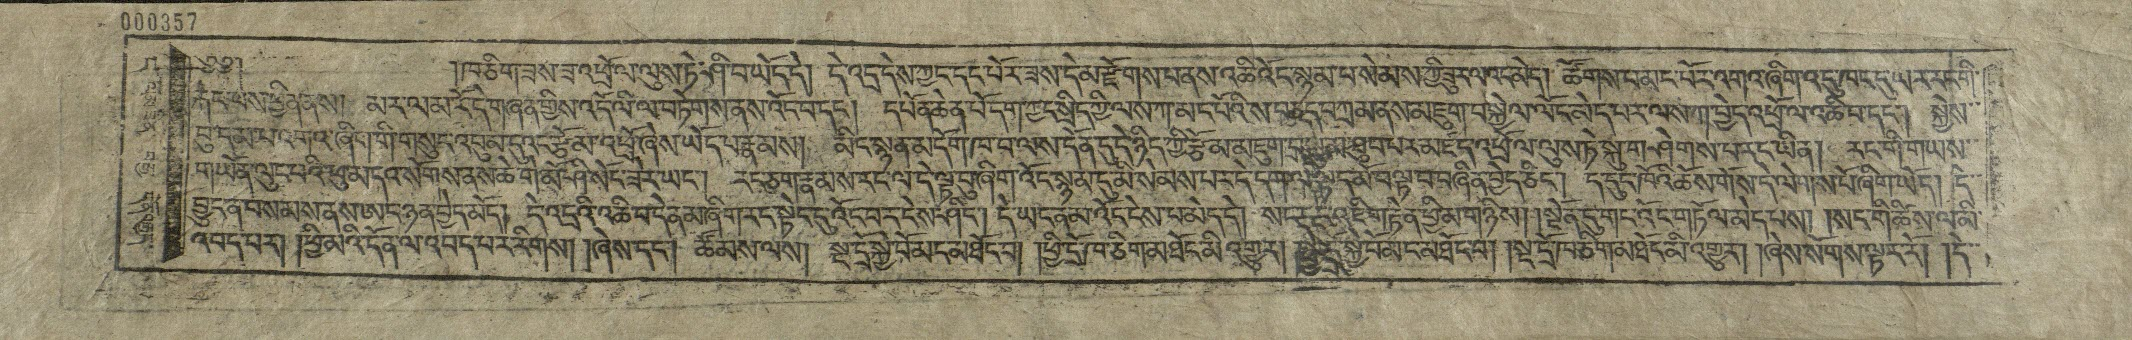༄༅། །ཁ་ཅིག་ཟས་ཟ་འཕྲོ་ལ་ལུས་ཏེ་ཤི་བ་ཡོད་དེ། དེ་འདྲ་དེས་ཀྱང་དང་པོར་ཟས་དེ་མ་རྫོགས་པ་ནས་འཆི་འོང་སྙམ་པ་སེམས་ཀྱི་ཟུར་ལའང་མེད། ཚོགས་པ་མང་པོར་འགའ་ཞིག་འདུ་ཁང་དུ་ཡར་རང་གི་
རྐང་པས་ཕྱིན་ནས། མར་ལམ་རོ་དེ་གཞན་གྱིས་འདོ་ལི་ལ་བཏེགས་ནས་འོང་བ་དང་། དཔོན་ཆེན་པོ་དག་ཀྱང་སྲིད་ཀྱི་ལས་ཀ་མང་པོའི་ས་བཅད་བཀྲམ་ནས་མཇུག་བསྐྱེལ་ལོང་མེད་པར་ལས་ཀ་བྱེད་འཕྲོ་ལ་འཆི་བ་དང་། སྐྱེས་
བུ་དམ་པ་འགའ་ཞིག་གི་གསུང་འབུམ་དུའང་རྩོམ་འཕྲོ་ཞེས་ཡོད་པ་རྣམས། མིང་སྙན་མདོག་ཁ་བ་ལས་དོན་དུ་དེ་ཉིད་ཀྱི་རྩོམ་མཇུག་བསྡུ་མ་ཐུབ་པར་མཛད་འཕྲོ་ལ་ལུས་ཏེ་སྐུ་གཤེགས་པ་རང་ཡིན། རང་གི་གཡས་
གཡོན་ལུང་པའི་ཕུ་མདའ་སོགས་ནས་ཆེ་གེ་མོ་ཤི་སོང་ཟེར་ཡང་། རང་ཅག་རྣམས་རང་ལ་དེ་ལྟ་བུ་ཞིག་འོང་སྙམ་དུ་མི་སེམས་པར་དེ་དག་ལ་ལྟད་མོ་བལྟ་བ་བཞིན་བྱེད་ཅིང་། ད་དུང་ཁོའི་ཆོས་གོས་དེ་ལེགས་པོ་ཞིག་ཡོད། དེ་
བྱུང་ན་བསམས་ནས་ཨང་ཉན་བྱེད་མོད། དེ་འདྲའི་འཆི་བ་དེ་ནམ་ཞིག་རང་སྟེང་དུ་འོང་བར་ངེས་ཤིང་། དེ་ཡང་ནམ་འོང་ངེས་པ་མེད་དེ། སང་དང་འཇིག་རྟེན་ཕྱི་མ་གཉིས། །སྔོན་དུ་གང་འོང་གཏོལ་མེད་པས། །སང་གི་ཚིས་ལ་མི་
འབད་པར། །ཕྱི་མའི་དོན་ལ་འབད་པར་རིགས། །ཞེས་དང་། ཚོམས་ལས། སྔ་དྲོ་སྐྱེ་བོ་མང་མཐོང་བ། །ཕྱི་དྲོ་ཁ་ཅིག་མཐོང་མི་འགྱུར། །ཕྱི་དྲོ་སྐྱེ་བོ་མང་མཐོང་བ། །སྔ་དྲོ་ཁ་ཅིག་མཐོང་མི་འགྱུར། །ཞེས་སོགས་ལྟར་རོ། །དེ་